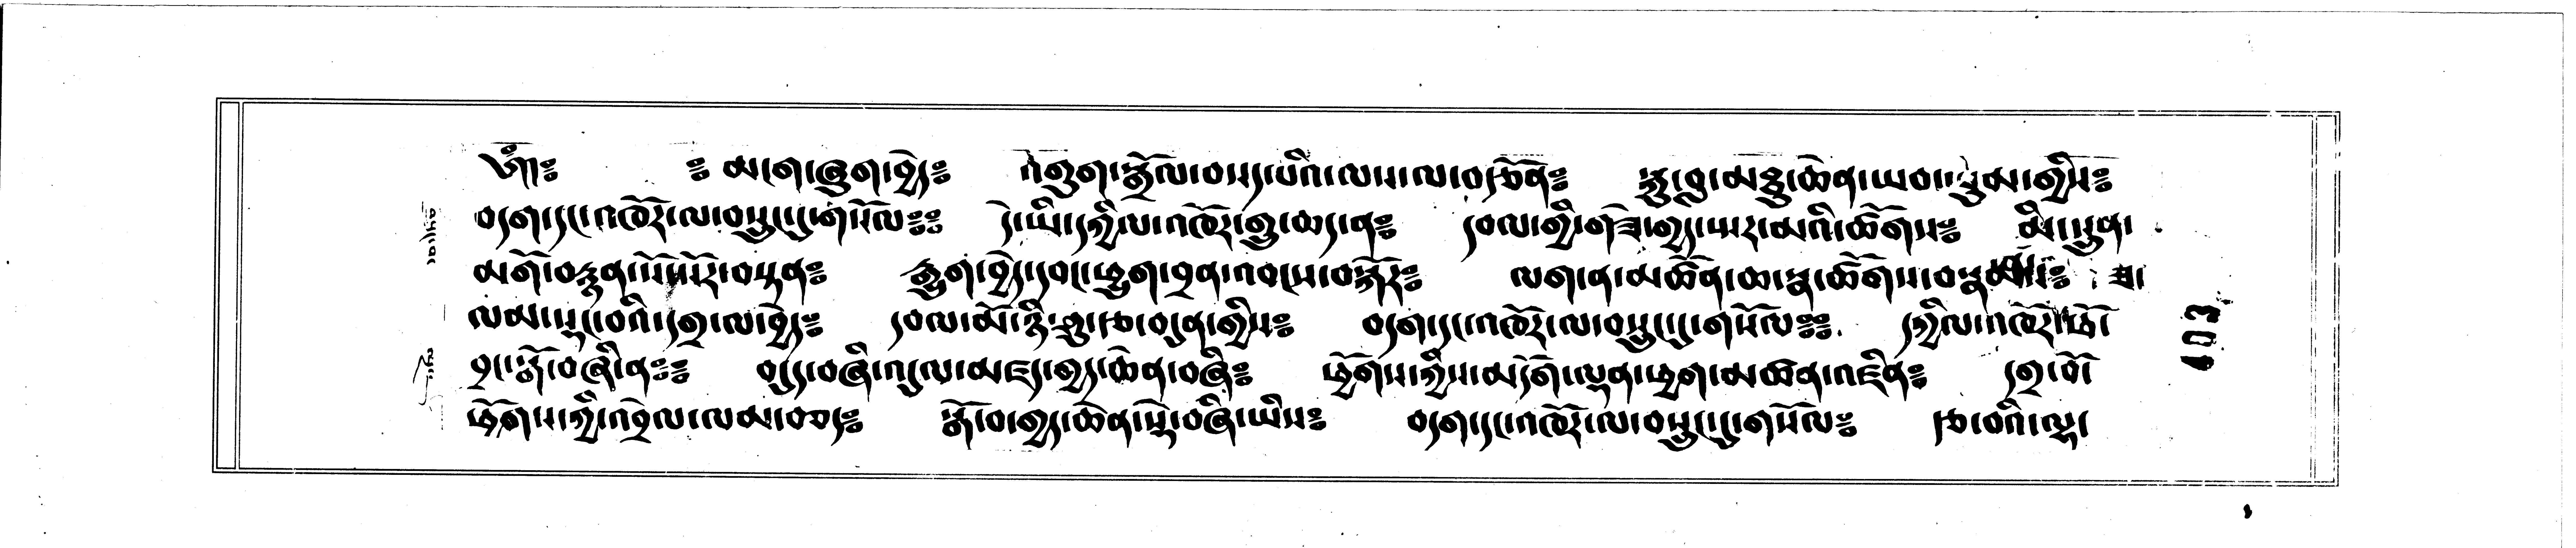༅།༔༔མངག་ཞུག་བྱེད༔ འགུག་སྒྲོལ་བསད་པའི་ལས་ལས་བརྩོན༔སྐུ་བླ་མཐུ་ཆེན་ཡབ་ཡུམ་གྱིས༔
བདག་དང་འཁོར་ལ་བསྲུང་དུ་གསོལ༔དེ་ཡི་དཀྱིལ་འཁོར་གྲུ་ཆད་ན༔དབལ་གྱི་གཟེ་གྱད་སྤར་མའི་ཚོགས༔མི་སྲུན་
མགོ་བརྙན་སོ་སོར་བསྟན༔རྒྱུག་བྱེད་དབང་ཕྱུག་བྲན་འབངས་བསྐོར༔ལག་ན་མཚོན་ཆ་སྣ་ཚོགས་བསྣམས༔ཟ་
ལམ་སྡང་བའི་དགྲ་ལ་བྱེད༔དབལ་མོ་ཉི་ཤུ་རྩ་བདུན་གྱིས༔བདག་དང་འཁོར་ལ་བསྲུང་དུ་གསོལ༔༔དཀྱིལ་འཁོར་ཕོ་
བྲང་སྒོ་བཞི་ན༔༔བདུད་བཞི་འདུལ་མཛད་གྱད་ཆེན་བཞི༔ཕྱོགས་ཀྱིས་མདོག་ལྡན་ཕྱག་མཚན་འཛིན༔དགྲ་བོ་
ཕྱོགས་ཀྱི་འབྲེལ་ལམ་བཅད༔སྒོ་བ་གྱད་ཆེན་སྡེ་བཞི་ཡིས༔བདག་དང་འཁོར་ལ་བསྲུང་དུ་གསོལ༔རྩ་བའི་ལྷ་